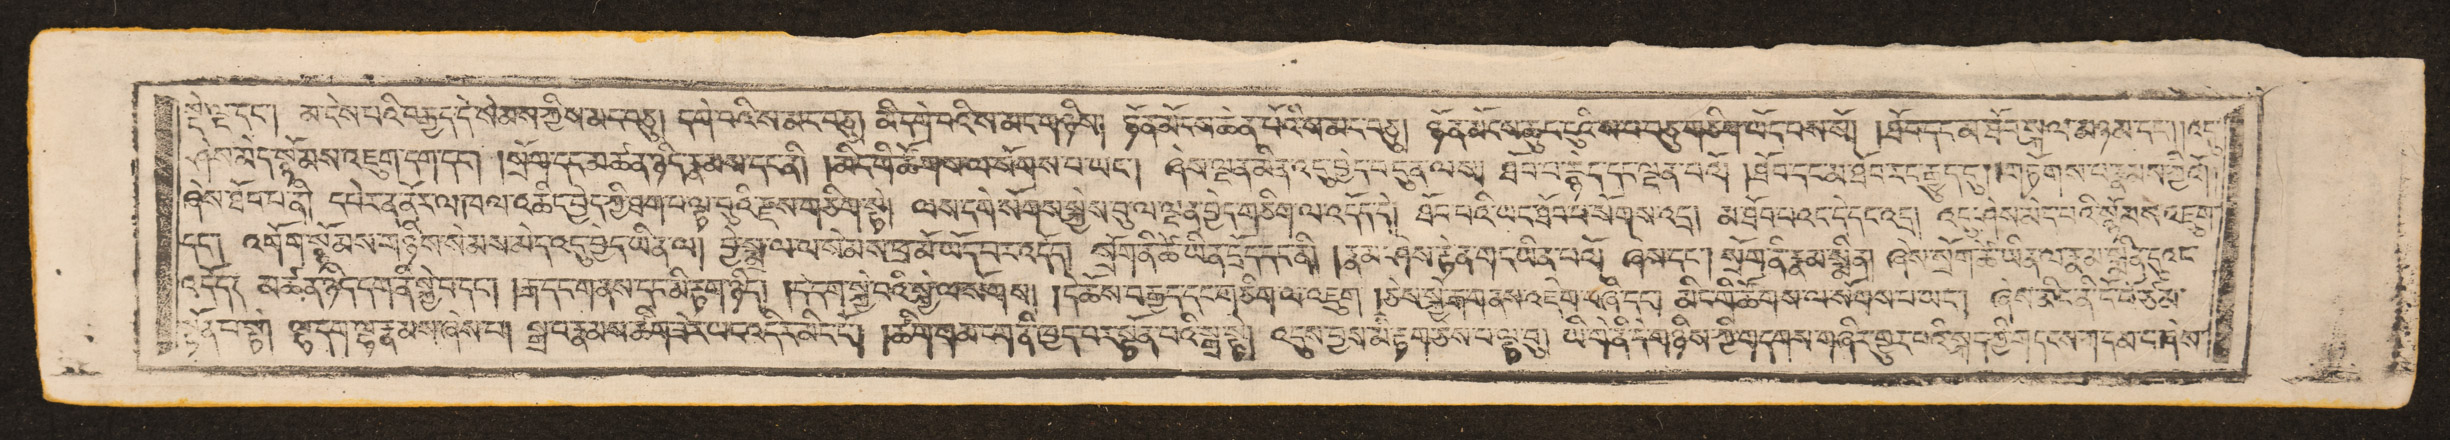སྡེ་ལྔ་དང་། མ་ངེས་པའི་བརྒྱད་དེ་སེམས་ཀྱིས་མང་བཅུ། དགེ་བའི་ས་མང་བཅུ། མི་དགེ་བའི་ས་མང་གཉིས། ཉོན་མོངས་ཆེན་པོའི་ས་མང་བཅུ། ཉོན་མོངས་ཆུང་ངུའི་ས་པ་བཅུ་གཅིག་ཡོད་པས་སོ། །ཐོབ་དང་མ་ཐོབ་སྐྱལ་མཉམ་དང་། །འདུ་
ཤེས་མེད་སྙོམས་འཇུག་དག་དང་། །སྲོག་དང་མཚན་ཉིད་རྣམས་དང་ནི། །མིང་གི་ཚོགས་ལ་སོགས་པ་ཡང་། ཞེས་ལྡན་མིན་འདུ་བྱེད་བདུན་ལས། ཐོབ་པ་རྙེད་དང་ལྡན་པའོ། །ཐོབ་དང་མ་ཐོབ་རང་རྒྱུད་དུ། །གཏགས་པ་རྣམས་ཀྱིའོ།།
ཞེས་ཐོབ་པ་ནི། དཔེར་ན་ནོར་ལ་ཁལ་འཆིང་བྱེད་ཀྱི་ཐག་པ་ལྟ་བུའི་རྫས་གཅིག་སྟེ། ལས་དགེ་སོགས་སྐྱེས་བུ་ལ་ལྡན་བྱེད་གཅིག་ལ་འདོད་དེ། ཐོབ་པའི་ཡང་ཐོབ་བ་སོགས་འདྲ། མ་ཐོབ་པའང་དེ་དང་འདྲ། འདུ་ཤེས་མེད་པའི་སྙོམས་འཇུག་
དང་། འགོག་སྙོམས་གཉིས་སེམས་མེད་འདུ་བྱེད་ཡིན་ལ། བྱེ་སྨྲ་ལ་ལ་སེམས་ཕྲ་མོ་ཡོད་པར་འདོད། སྲོག་ནི་ཚེ་ཡིན་དྲོད་དང་ནི། །རྣམ་ཤེས་རྟེན་གང་ཡིན་པའོ། ཞེས་དང་། སྲོག་ནི་རྣམ་སྨིན། ཞེས་སྲོག་ཚེ་ཡིན་ལ་རྣམ་སྨིན་དུའང་
འདོད༑ མཚན་ཉིད་དག་ནི་སྐྱེ་བ་དང་། །རྒ་དང་གནས་དང་མི་རྟག་ཉིད། །དེ་དག་སྐྱེ་བའི་སྐྱེ་ལ་སོགས། །དེ་ཆོས་བརྒྱད་དང་གཅིག་ལ་འཇུག །ཅེས་སྐྱེ་རྒ་གནས་འཇིག་བཞི་དང་། མིང་གི་ཚོགས་ལ་སོགས་པ་ཡང་། ཞེས་མིང་ནི་ངོ་བོ་ཙམ་
སྟོན་པ་སྟེ། ལྷ་དག་ལྷ་རྣམས་ཞེས་པ། སྒྲབ་རྣམས་ཚིག་ཟེར་ཡང་འདིར་མིང་ངོ། །ཚིག་གམ་ངག་ནི་ཁྱད་པར་སྟོན་པའི་སྒྲ་སྟེ། འདུས་བྱས་མི་རྟག་ཅེས་པ་ལྟ་བུ། ཡི་གེ་ནི་དེ་གཉིས་ཀྱི་གདགས་གཞིར་གྱུར་བའི་སྐད་ཀྱི་གདངས་ཀ་དམང་ཞེས་